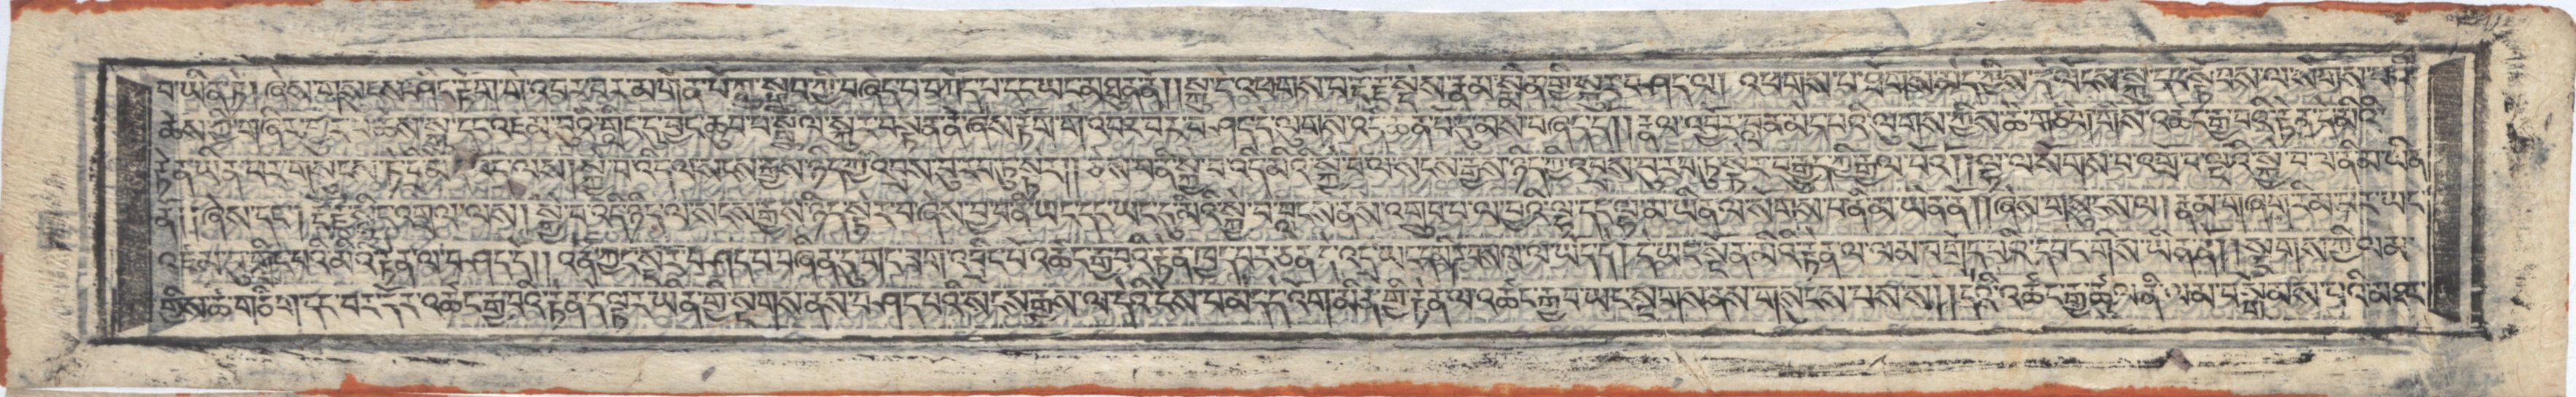བ་ཡིན་ཏེ། ཞེས་གསུངས་ཤིང་རྟོག་གི་འབར་བར་མགོན་པོ་ཀླུ་སྒྲུབ་ཀྱི་བཞེད་པ་བཀོད་པ་དང་ཡང་མཐུན་ནོ། །སྐུ་དེ་འཕགས་པ་རྡོ་རྗེ་སྡེས་རྣམ་སྨིན་གྱི་སྐུར་བཤད་ལ། འཕགས་པ་ཐོགས་མེད་ཀྱིས་དེ་ལོངས་སྐུ་དང་སྟོབས་ལ་སོགས་པའི་
ཆོས་ཀྱི་གཞིར་གྱུར་པ་ཆོས་སྐུ་དང་འཛམ་བུའི་གླིང་དུ་བྱང་ཆུབ་པ་སྤྲུལ་སྐུར་བསྟན་ནོ་ཞེས་རྟོག་གེ་འབར་བར་བཤད་དེ་ལུགས་འདི་ཆེན་པོ་དུ་མས་བཞེད་དོ། །རྣལ་འབྱོར་བླ་ན་མེད་པའི་ལུགས་ཀྱིས་ཚེ་གཅིག་གིས་འཚང་རྒྱ་བའི་རྟེན་དེ་མིའི་
རྟེན་ཡིན་པར་གསུངས་ཏེ་དྲི་མེད་འོད་ལས། སྐྱེ་བ་འདི་ལ་སངས་རྒྱས་ཉིད་ཀྱི་འབྲས་བུ་རབ་ཏུ་སྟེར། །ཅེས་པ་ནི་སྐྱེ་བ་འདི་མིའི་སྐྱེ་བ་ལ་སངས་རྒྱས་ཉིད་ཀྱི་འབྲས་བུ་རབ་ཏུ་སྟེར་བ་རྒྱུད་ཀྱི་རྒྱལ་པོའོ། །ལྷ་ལ་སོགས་པ་འགྲོ་བ་ལྔའི་སྐྱེ་བ་ལ་ནི་མ་ཡིན་
ནོ༑ ༑ཞེས་དང་། རྡོ་རྗེ་སྙིང་འགྲེལ་ལས། སྐྱེ་བ་འདི་ཉིད་ལ་སངས་རྒྱས་ཉིད་སྟེར་བ་ཞེས་བྱ་བ་ནི་ཡང་དང་ཡང་དུ་མིའི་སྐྱེ་བ་བླངས་ནས་འགྲུབ་པ་ལ་བྱའི་ལྷ་དང་ལྷ་མ་ཡིན་ལ་སོགས་པ་ནི་མ་ཡིན་ནོ། །ཞེས་གསུངས་ལ། རྣམ་གཞག་རིམ་པར་ཡང་
འཛམ་བུ་གླིང་པའི་མིའི་རྟེན་ལ་བཤད་དོ། །འོན་ཀྱང་སྔར་བཤད་པ་བཞིན་དུ་གང་ཟག་འབྲིང་པོ་འཚང་རྒྱ་བའི་རྟེན་ཁྱད་པར་ཅན་དེ་འདྲ་ཡང་དམིགས་བསལ་ལ་ཡོད་དེ། དེ་ཡང་སྔོན་མིའི་རྟེན་ལམ་བགྲོད་པའི་དབང་གིས་ཡིན་ནོ། །སྔགས་ཀྱི་ལམ་
གྱིས་ཚེ་གཅིག་དང་བར་དོར་འཚང་རྒྱ་བའི་རྟེན་དེ་ལྟར་ཡིན་གྱི་སྔགས་ནས་བཤད་པའི་སངས་རྒྱས་ལ་དེའི་ངེས་པ་མེད་དེ་འོག་མིན་གྱི་རྟེན་ལ་འཚང་རྒྱ་བ་ཡང་སྔགས་ནས་གསུངས་པས་སོ། །དེའི་འཚང་རྒྱ་ཚུལ་ནི་ལམ་བསྒོམས་པའི་མཐར་